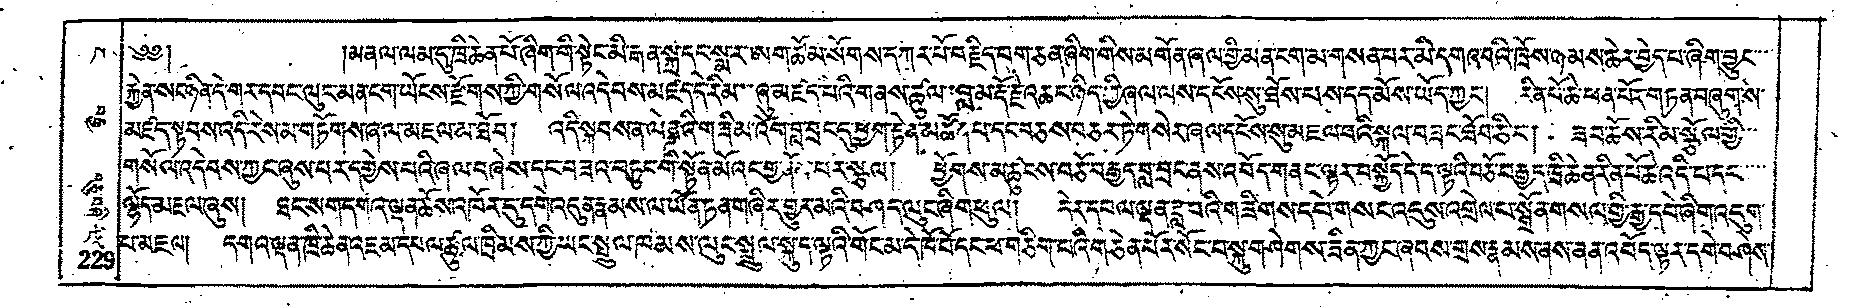༄༅། །མནལ་ལམ་དུ་ཁྲི་ཆེན་པོ་ཞིག་གི་སྟེང་མི་རྒན་སྐྲ་དང་སྨ་ར་ཨག་ཚོམ་སོགས་དཀར་པོ་བརྗིད་བག་ཅན་ཞིག་གིས་མགོན་ཞལ་གྱི་མན་ངག་མ་གསན་པར་མི་དགའ་བའི་ཁྲོས་ཉམས་ཆེར་བྱེད་པ་ཞིག་བྱུང་
རྐྱེན་སང་ཉིན་དེ་གར་དབང་ལུང་མན་ངག་ཡོངས་རྫོགས་ཀྱི་གསོལ་འདེབས་མཛད་དེ་རིམ་ཞུ་མཛད་པའི་གནས་ཚུལ་༧བླ་མ་རྡོ་རྗེ་འཆང་ཉིད་ཀྱི་ཞལ་ལས་དངོས་སུ་ཐོས་པས་དད་མོས་ཡོད་ཀྱང་། རིན་པོ་ཆེ་ཕན་པོར་གཏན་བཞུགས་
མཛད་སྟབས་འདི་རེས་མ་གཏོགས་ཞལ་མཇལ་མ་ཐོབ། འདི་སྐབས་ན་ལེནྜའི་གཟིམ་འོག་བླ་བྲང་དུ་ཕྱག་རྟེན་མཚོན་པ་དང་བཅས་བཅར་ཏེ་གསེར་ཞལ་དངོས་སུ་མཇལ་བའི་སྐལ་བཟང་ཐོབ་ཅིང་། ཟབ་ཆོས་རིམ་སྩོལ་གྱི་
གསོལ་འདེབས་ཀྱང་ཞུས་པར་དགྱེས་པའི་ཞལ་བཞེས་དང་བཟའ་བཏུང་གི་སྟོན་མོའང་གྱ་ནོམ་པར་སྩལ། ཕྱོགས་མཚུངས་བཅོ་བརྒྱད་བླ་བྲང་ནས་འབོད་གནང་ལྟར་བསྐྱོད་དེ་ད་ལྟའི་བཅོ་བརྒྱད་ཁྲི་ཆེན་རིན་པོ་ཆེ་འདི་པ་དང་
ལྷོད་མཇལ་ཞུས། ཐང་སག་དགའ་ལྡན་ཆོས་འཁོར་དུ་དགེ་འདུན་རྣམས་ལ་ཡོན་ཏན་གཞིར་གྱུར་མའི་བཤད་ལུང་ཞིག་ཕུལ། དེར་དཔལ་ལྡན་ཟླ་བའི་གཟིགས་དཔེ་གསང་འདུས་འགྲེལ་པ་སྒྲོན་གསལ་གྱི་རྒྱ་དཔེ་ཞིག་འདུག་
པ་མཇལ། དགའ་ལྡན་ཁྲི་ཆེན་འཇམ་དཔལ་ཚུལ་ཁྲིམས་ཀྱི་ཡང་སྤྲུལ་ཁམས་ལུང་སྤྲུལ་སྐུ་ད་ལྟའི་གོང་མ་དེ་ཁོ་བོ་དང་ཕ་གཅིག་པའི་གཅེན་པོར་སོང་བ་སྐུ་གཤེགས་ཟིན་ཀྱང་ཞབས་གྲས་རྣམས་ནས་ནན་འབོད་ལྟར་དགེ་བཤེས་